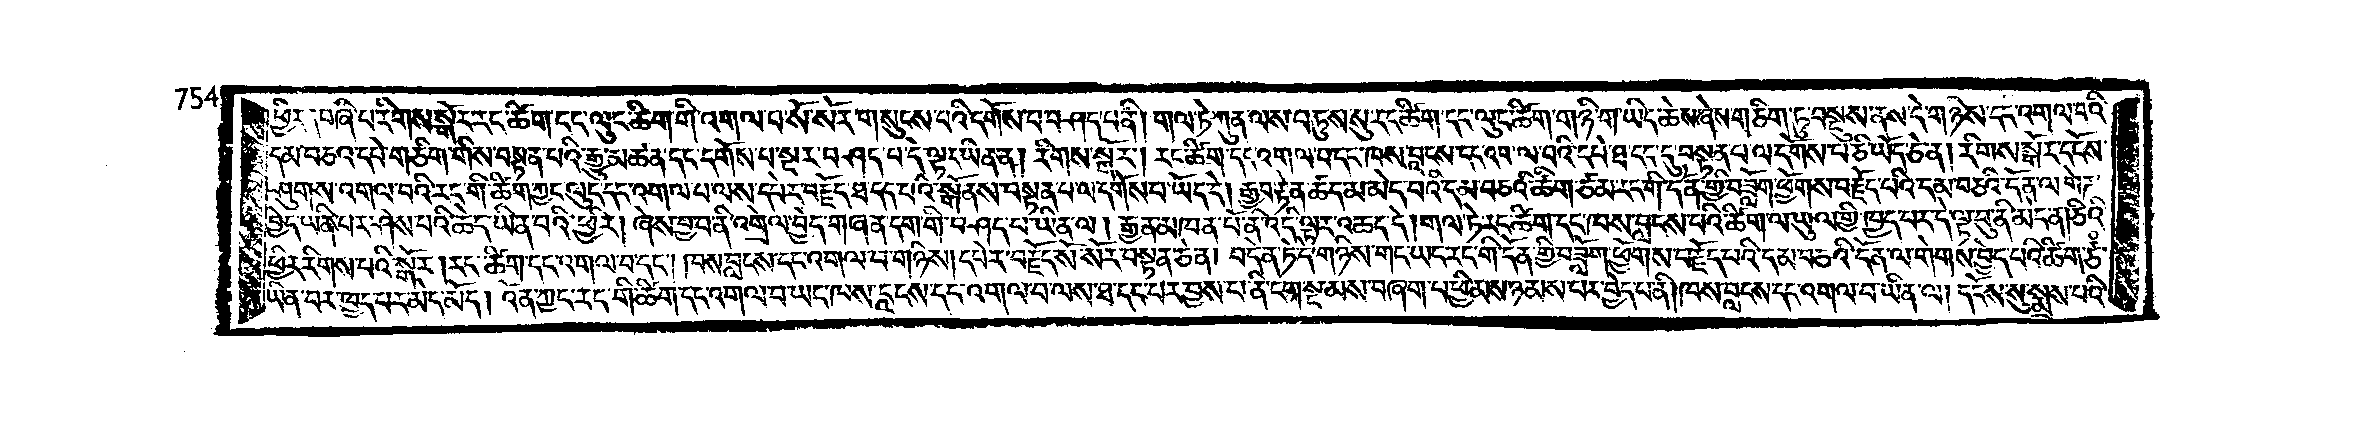ཕྱིར། བཞི་པ་རིགས་སྒོར་རང་ཚིག་དང་ལུང་ཚིག་གི་འགལ་བ་སོ་སོར་གསུངས་པའི་དགོས་པ་བཤད་པ་ནི། གལ་ཏེ་ཀུན་ལས་བཏུས་སུ་རང་ཚིག་དང་ལུང་ཚིག་གཉི་ག་ཡིད་ཆེས་ཞེས་གཅིག་ཏུ་བསྡུས་ནས་དེ་གཉིས་དང་འགལ་བའི་
དམ་བཅའ་དཔེ་གཅིག་གིས་བསྟན་པའི་རྒྱུ་མཚན་དང་དགོས་པ་སྔར་བཤད་པ་དེ་ལྟར་ཡིན་ན། རིགས་སྒོར། རང་ཚིག་དང་འགལ་བ་དང་ཁས་བླངས་དང་འགལ་བའི་དཔེ་ཐ་དད་དུ་བསྟན་པ་ལ་དགོས་པ་ཅི་ཡོད་ཅེ་ན། རིགས་སྒོར་དངོས་
ཤུགས་འགལ་བའི་རང་གི་ཚིག་ཀྱང་ལུང་དང་འགལ་བ་ལས་དཔེར་བརྗོད་ཐ་དད་པའི་སྒོ་ནས་བསྟན་པ་ལ་དགོས་པ་ཡོད་དེ། རྒྱབ་རྟེན་ཚད་མ་མེད་པའི་དམ་བཅའི་ཚིག་ཙམ་རང་གི་དོན་གྱི་བཟློག་ཕྱོགས་བརྗོད་པའི་དམ་བཅའི་དོན་ལ་གེགས་
བྱེད་ཡིན་པར་ཤེས་པའི་ཆེད་ཡིན་པའི་ཕྱིར། ཞེས་བྱ་བ་ནི་འགྲེལ་བྱེད་གཞན་དག་གི་བཤད་པ་ཡིན་ལ། རྒྱན་མཁན་པོ་ནི་འདི་ལྟར་འཆད་དེ། གལ་ཏེ་རང་ཚིག་དང་ཁས་བླངས་པའི་ཚིག་ལ་ཡུལ་གྱི་ཁྱད་པར་དེ་ལྟ་བུ་ནི་མེད་ན། ཅིའི་
ཕྱིར་རིགས་པའི་སྒོར། རང་ཚིག་དང་འགལ་བ་དང་། ཁས་བླངས་དང་འགལ་བ་གཉིས། དཔེར་བརྗོད་སོ་སོར་བསྟན་ཅེ་ན། བདེན་ཏེ་དེ་གཉིས་གང་ཡང་རང་གི་དོན་གྱི་བཟློག་ཕྱོགས་བརྗོད་པའི་དམ་བཅའི་དོན་ལ་གེགས་བྱེད་པའི་ཚིག་ཙམ་
ཡིན་པར་ཁྱད་པར་མེད་མོད། འོན་ཀྱང་རང་གི་ཚིག་དང་འགལ་བ་ཡང་ཁས་བླངས་དང་འགལ་བ་ལས་ཐ་དད་པར་བྱས་པ་ནི་ངག་སྔ་མས་བཞག་པ་ཕྱི་མས་ཉམས་པར་བྱེད་པ་ནི། ཁས་བླངས་དང་འགལ་བ་ཡིན་ལ། དངོས་སུ་སྨྲས་པའི་